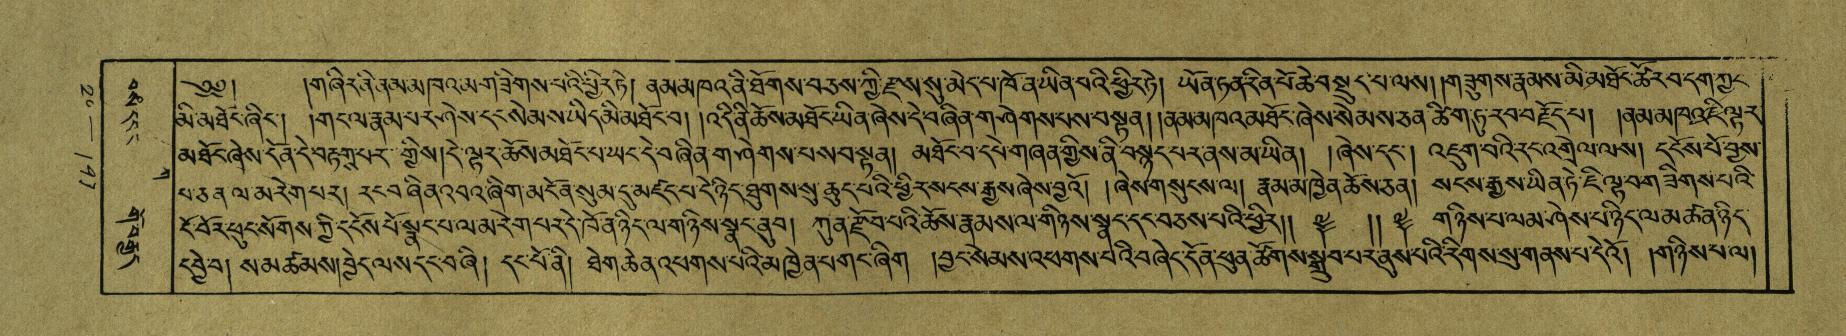༄༅། །གཞིར་ནི་ནམ་མཁའ་མ་གཟིགས་པའི་ཕྱིར་ཏེ། ནམ་མཁའ་ནི་ཐོགས་བཅས་ཀྱི་རྫས་སུ་མེད་པ་ཁོ་ན་ཡིན་པའི་ཕྱིར་ཏེ། ཡོན་ཏན་རིན་པོ་ཆེ་བསྡུད་བ་ལས། །གཟུགས་རྣམས་མི་མཐོང་ཚོར་བ་དག་ཀྱང་
མི་མཐོང་ཞིང་། །གང་ལ་རྣམ་པར་ཤེས་དང་སེམས་ཡིད་མི་མཐོང་བ། །འདི་ནི་ཆོས་མཐོང་ཡིན་ཞེས་དེ་བཞིན་གཤེགས་པས་བསྟན། །ནམ་མཁའ་མཐོང་ཞེས་སེམས་ཅན་ཚིག་ཏུ་རབ་བརྗོད་པ། །ནམ་མཁའ་ཇི་ལྟར་
མཐོང་ཞེས་དོན་དེ་བརྟགས་པར་གྱིས། དེ་ལྟར་ཆོས་མཐོང་བ་ཡང་དེ་བཞིན་གཤེགས་པས་བསྟན། མཐོང་བ་དཔེ་གཞན་གྱིས་ནི་བསྙད་པར་ནས་མ་ཡིན། །ཞེས་དང་། འཇུག་པའི་རང་འགྲེལ་ལས། དངོས་པོ་བྱས་
པ་ཅན་ལ་མ་རེག་པར། རང་བཞིན་འབའ་ཞིག་མངོན་སུམ་དུ་མཛད་པ་དེ་ཉིད་ཐུགས་སུ་ཆུད་པའི་ཕྱིར་སངས་རྒྱས་ཞེས་བྱའོ། །ཞེས་གསུངས་ལ། རྣམ་མཁྱེན་ཆོས་ཅན། སངས་རྒྱས་ཡིན་ཏེ་ཇི་ལྟ་བ་གཟིགས་པའི་
ངོ་བོར་ཕུང་སོགས་ཀྱི་དངོས་པོ་སྣང་བ་ལ་མ་རེག་པར་དེ་ཁོ་ན་ཉིད་ལ་གཉིས་སྣང་ནུབ། ཀུན་རྫོབ་བའི་ཆོས་རྣམས་ལ་གཉིས་སྣང་དང་བཅས་པའི་ཕྱིར།། ༈ །། ༈ གཉིས་པ་ལམ་ཤེས་པ་ཉིད་ལ་མཚན་ཉིད་
དབྱེ་བ། ས་མཚམས། བྱེད་ལས་དང་བཞི། དང་པོ་ནི། ཐེག་ཆེན་འཕགས་པའི་མཁྱེན་པ་གང་ཞིག །བྱང་སེམས་འཕགས་པའི་བཞེད་དོན་ཕུན་ཚོགས་སྒྲུབ་པར་ནུས་པའི་རིགས་སུ་གནས་པ་དེའོ། །གཉིས་པ་ལ།